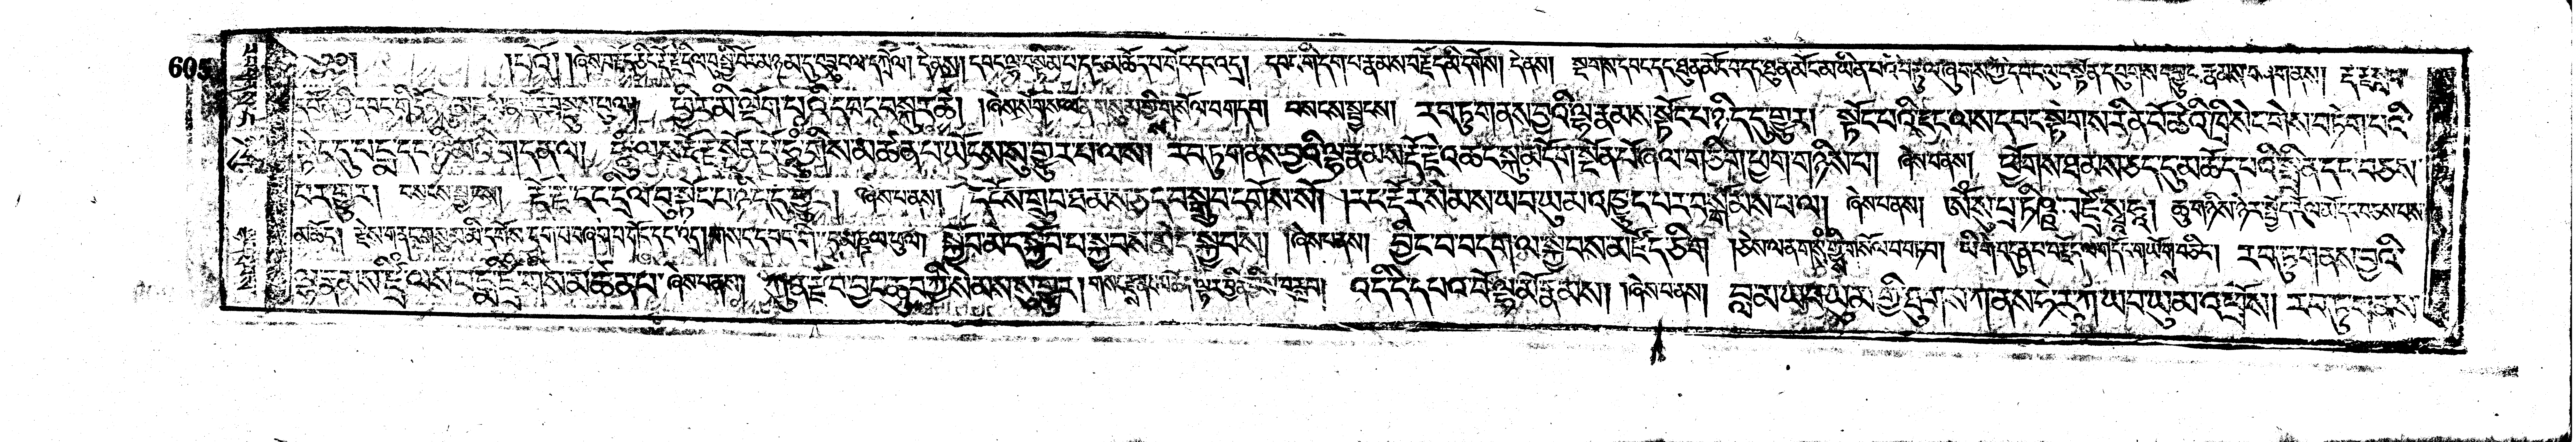༄༅། །པའོ། །ཞེས་བརྗོད་ཅིང་རྡོ་རྗེ་དྲིལ་བུ་སྤྱི་བོར་མཉམ་དུ་བཟུང་ལ་དཀྲོལ། དེ་ནས། དབང་ལྷ་བསྟིམས་པ་དང་མཆོད་པ་གོང་དང་འདྲ། དབང་གི་དག་པ་རྣམས་བརྗོད་མི་དགོས། དེ་ནས། སྔགས་དབང་དང་ཐུན་མོང་བ་དང་ཐུན་མོང་མ་ཡིན་པའི་བརྟུལ་ཞུགས་ཀྱི་དབང་ལུང་སྟོན་དབུགས་དབྱུང་རྣམས་བཞག་ནས། རྡོ་རྗེ་སློབ་
དཔོན་གྱི་དབང་གི་དོན་དུ་མཎྜལ་མདོར་བསྡུས་ཕུལ། ཕྱིར་མི་ལྡོག་པའི་དབང་བསྐུར་ཆེ། །ཞེས་སོགས་ལན་གསུམ་གྱིས་གསོལ་བ་གདབ། བསངས་སྦྱངས།  རབ་ཏུ་གནས་བྱའི་ལྷ་རྣམས་སྟོང་པ་ཉིད་དུ་གྱུར། སྟོང་པའི་ངང་ལས་དབང་སྟེགས་རིན་པོ་ཆེའི་ཁྲི་སེང་གེས་བཏེག་པའི་
སྟེང་དུ་པདམ་དང་ཉི་མའི་གདན་ལ། ཧཱུཾ་ལས་རྡོ་རྗེ་སྔོན་པོ་ཧཱུཾ་གིས་མཚན་པ་ཡོངས་སུ་གྱུར་པ་ལས། རབ་ཏུ་གནས་བྱའི་ལྷ་རྣམས་རྡོ་རྗེ་འཆང་སྐུ་མདོག་སྔོན་པོ་ཞལ་གཅིག་ཕྱག་གཉིས་པ། ཞེས་པ་ནས།  ཕྱོགས་ཐམས་ཅད་དུ་མཆོད་པའི་སྤྲིན་དང་བཅས་
པར་གྱུར། བསངས་སྦྱངས།  རྡོ་རྗེ་དང་དྲིལ་བུ་སྟོང་པ་ཉིད་དུ་གྱུར། ཞེས་པ་ནས།  དངོས་གྲུབ་ཐམས་ཅད་བསྒྲུབ་དགོས་སོ། །རང་རྡོར་སེམས་ཡབ་ཡུམ་འཁྱུད་པར་བསྒོམས་པ་ལ། ཞེས་པ་ནས།  ཨོཾ་སུ་པྲ་ཏིཥཊཿཨ་བཛྲེ་སྭཱཧཱ། ཆུ་གཉིས་ཉེར་སྤྱོད་རོལ་མོ་དང་བཅས་པས་
མཆོད། རྗེས་གནང་གསུམ་མི་དགོས་དག་པ་བཞག་པ་གོང་དང་འདྲ། གསང་དབང་གི་དོན་དུ་མཎྜལ་ཕུལ། སྐྱོབ་མེད་བསྐྱོབ་པ་སྐྱབས་མེད་སྐྱབས། །ཞེས་པ་ནས།  བྱིང་བ་བདག་ལ་སྐྱབས་མཛོད་ཅིག་།ཅེས་ལན་གསུཾ་གྱིས་གསོལ་བ་བཏབ། ཡི་གེ་བདུན་པ་བརྗོད་ལ་གདོང་གཡོགས་བཅིང་།  རབ་ཏུ་གནས་བྱའི་
ལྷ་རྣམས་ཛིཾ་ལས་པདམ་ཛྲིཾ་གིས་མཚན་པ་ཞེས་པ་ནས།  ཀུན་རྫོབ་བྱང་ཆུབ་ཀྱི་སེམས་སུ་གྱུར། གསང་རྫས་ན་མཆོད་ལྟར་བྱིན་གྱིས་བརླབ།  འདི་དེ་དཔའ་བོ་ལྷ་མོ་རྣམས། །ཞེས་པ་ནས།  བླ་མ་ཡབ་ཡུམ་གྱི་ཐུགས་ཀ་ནས་ཧེ་རུ་ཀ་ཡབ་ཡུམ་འཕྲོས། རབ་ཏུ་གནས་